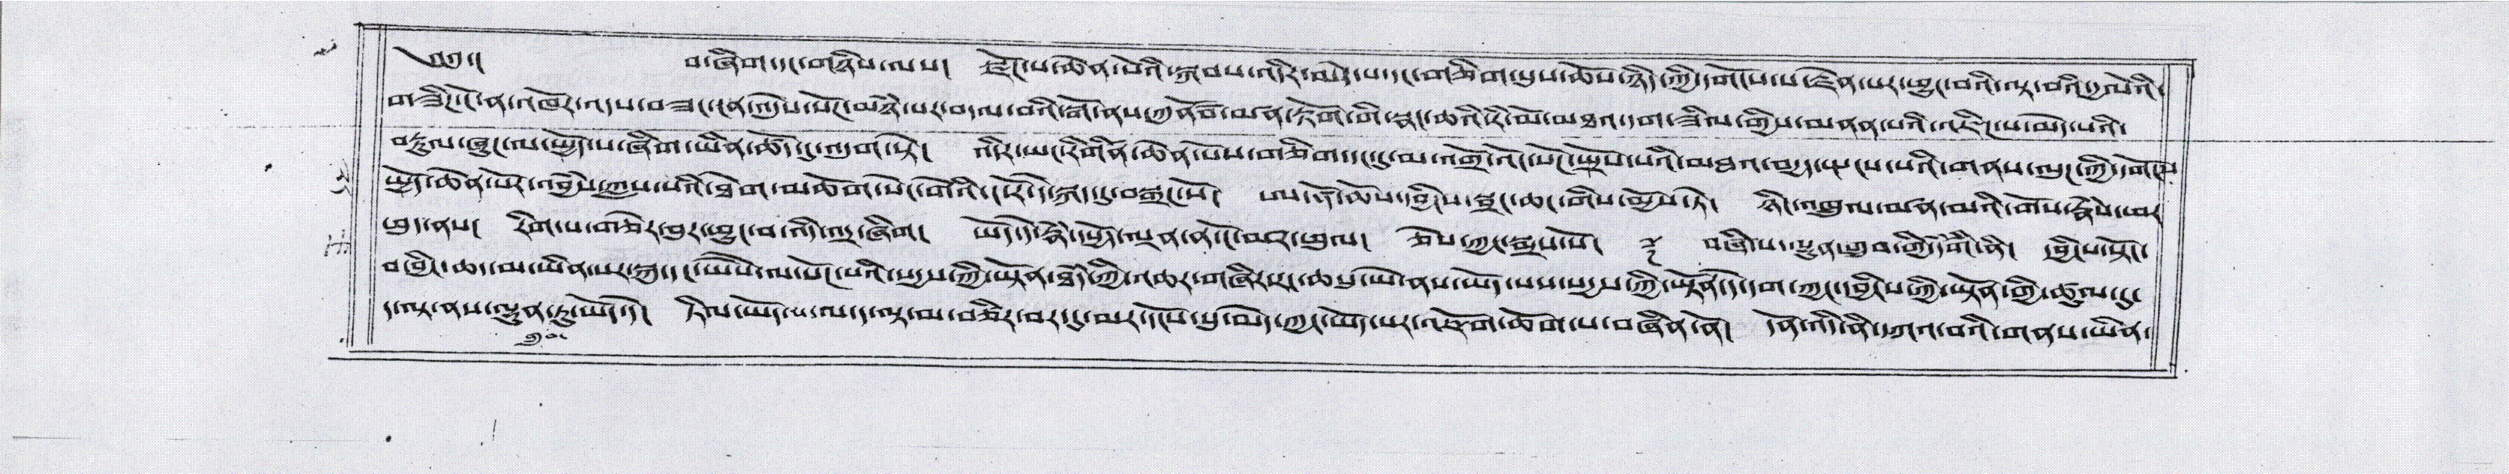བ་ཞིག་དང་གཉིས་ལས། རྫོགས་པ་ཆེན་པོའི་སྐབས་འདིར་མེད་པ་དང་གཅིག་པུས་ཆོས་ཉིད་ཀྱི་དགོངས་པ་རྗེན་པར་ཕྱུང་བའི་ལྟ་བའི་རྒྱལ་པོའི་
གཟིགས་ངོ་ན་འཁོར་འདས་བཟང་ངན་འདུ་ཤེས་སོགས་མཉམ་པར་བདལ་བའི་སྒོ་ནས་ཀུན་རྫོབ་མཚན་རྟོག་གི་སྣང་ཆའི་རི་མོ་མཐའ་དག་ཟིལ་གྱིས་མནན་པའི་འཇིགས་པ་མེད་པའི་
བརྟུལ་ཞུགས་ལ་སྤྱོད་པ་ཞིག་ཡིན་ཚོད་དུ་འདུག་སྟེ། འདིར་ཡང་རིག་འཛིན་ཆེན་པོས་གཅིག་དང་དུ་མ་འགྲོ་འོང་སོགས་སྤྲོས་པའི་མཐའ་བརྒྱད་སྤངས་པའི་གནས་ལུགས་ཀྱི་དགོངས་
སྤྱོད་ཆེན་པོར་འབྱམས་ཀླས་པའི་ཐེག་མཆོག་སེང་གེའི་ང་རོ་དེ་སྐད་དུ་བསྒྲགས་སོ། ཨ་ཧོ་ཆོས་དབྱིངས་སྦྲང་ཆང་གིས་མྱོས་ཏེ། ཉིང་འཁྲུལ་མཚན་མའི་གོས་རྣམས་ཕར་
ཕུད་ནས། རིག་པ་གཅེར་བུར་ཕྱུང་བ་འདི་འདྲ་ཞིག ཡོད་དེ་རྣམ་དཔྱོད་ལྡན་ན་ངོ་མཚར་ཕུལ། ཅེས་ཀྱང་སྨྲས་སོ། ༑ བཞི་པ་ལྷུན་གྲུབ་ཀྱི་དམ་ཚིག་ནི། དབྱིངས་སྟོང་
པ་བྱིང་ཆད་མ་ཡིན་པར་སྐུ་དང་ཡེ་ཤེས་ལ་སོགས་པའི་སངས་རྒྱས་ཀྱི་ཡོན་ཏན་ཐམས་ཅད་ཀྱི་འཆར་གཞིར་རང་ཆས་སུ་ཡེ་ནས་ཡོད་པས་སངས་རྒྱས་ཀྱི་ཡོན་ཏན་དེ་དག་ཀྱང་དབྱིངས་ཀྱི་ཡོན་ཏན་གྱི་ཚུལ་དུ་
ད་ལྟ་ནས་ལྷུན་གྲུབ་ཏུ་ཡོད་དེ། ཏིལ་ཡོད་པ་ལ་ད་ལྟ་མ་བཙིར་བར་དུ་མར་དངོས་སུ་མེད་ཀྱང་ཡོད་པར་འཇོག་ཆོག་པ་བཞིན་ནོ། དོན་འདི་ནི་དཀའ་བའི་གནས་ཡིན་